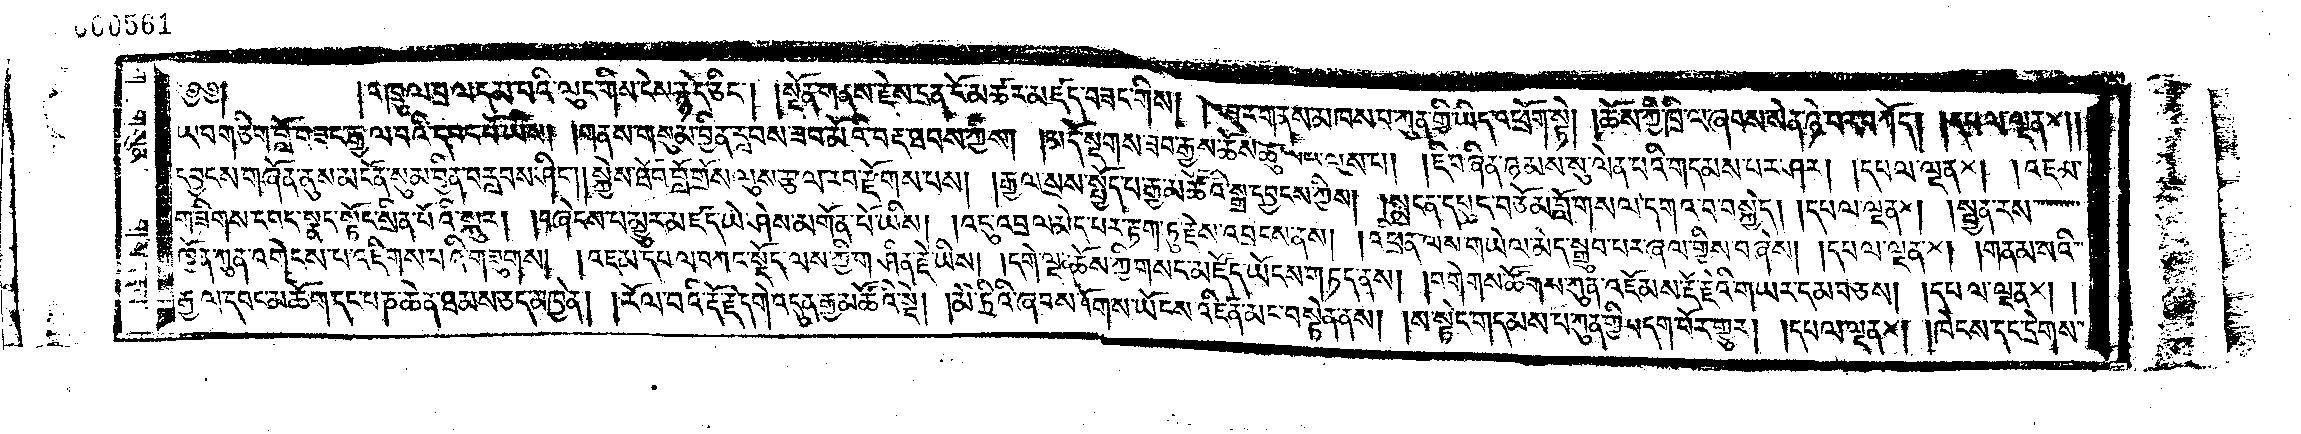༄༅། །འཁྲུལ་བྲལ་དམ་པའི་ལུང་གིས་ངེས་རྙེད་ཅིང་། །སྔོན་གནས་རྗེས་དྲན་ངོ་མཚར་མཛད་བཟང་གིས། །གཟུར་གནས་མཁས་པ་ཀུན་གྱི་ཡིད་འཕྲོག་སྟེ། །ཆོས་ཀྱི་ཁྲི་ལ་ཞབས་སེན་ཉེ་བར་བཀོད། །དཔལ་ལྡན་྾།།
ཡབ་གཅིག་བློ་བཟང་རྒྱལ་བའི་དབང་པོ་ཡིས། །གནས་གསུམ་བྱིན་རླབས་ཟབ་མོའི་བརྡ་ཐབས་ཀྱིས། །མདོ་སྔགས་ཟབ་རྒྱས་ཆོས་ཚུལ་མ་ལུས་པ། །ཇི་བཞིན་ཉམས་སུ་ལེན་པའི་གདམས་པར་ཤར། །དཔལ་ལྡན་྾། །འཇམ་
དབྱངས་གཞོན་ནུས་མངོན་སུམ་བྱིན་བརླབས་ཤིག། །སྐྱེས་ཐོབ་བློ་གྲོས་ལུས་རྩལ་རབ་རྫོགས་པས། །རྒྱལ་སྲས་སྤྱོད་པ་རྒྱ་མཚོའི་སྒྲ་དབྱངས་ཀྱིས། །སྨྲ་ངན་དཔུང་བཅོམ་བློ་གསལ་དགའ་བ་བསྐྱེད། །དཔལ་ལྡན་྾། །སྤྱན་རས་
གཟིགས་དབང་སྣང་སྟོང་སྲིན་པོའི་སྐུར། །བཞེངས་པ་མྱུར་མཛད་ཡེ་ཤེས་མགོན་པོ་ཡིས། །འདུ་འབྲལ་མེད་པར་རྟག་ཏུ་རྗེས་འབྲངས་ནས། །འཕྲིན་ལས་གཡེལ་མེད་སྒྲུབ་པར་ཞལ་གྱིས་བཞེས། །དཔལ་ལྡན་྾། །གནམ་སའི་
ཁྱོན་ཀུན་འགེངས་པ་འཇིགས་པའི་གཟུགས། །འཇམ་དཔལ་བཀའ་སྡོད་ལས་ཀྱི་གཤིན་རྗེ་ཡིས། །དགེ་ལྡན་ཆོས་ཀྱི་གསང་མཛོད་ཡོངས་གཏད་ནས། །བགེགས་ཚོགས་ཀུན་འཇོམས་རྡོ་རྗེའི་གཡར་དམ་བཅས། །དཔལ་ལྡན་྾། །
རྒྱལ་དབང་མཆོག་དང་པཎ་ཆེན་ཐམས་ཅད་མཁྱེན། །རོལ་པའི་རྡོ་རྗེ་དགེ་འདུན་རྒྱ་མཚོའི་སྡེ། །མཻ་ཏྲིའི་ཞབས་སོགས་ཡོངས་འཛིན་མང་བསྟེན་ནས། །ས་སྟེང་གདམས་པ་ཀུན་གྱི་བདག་པོར་གྱུར། །དཔལ་ལྡན་྾། །ཁེངས་དང་དྲེགས་